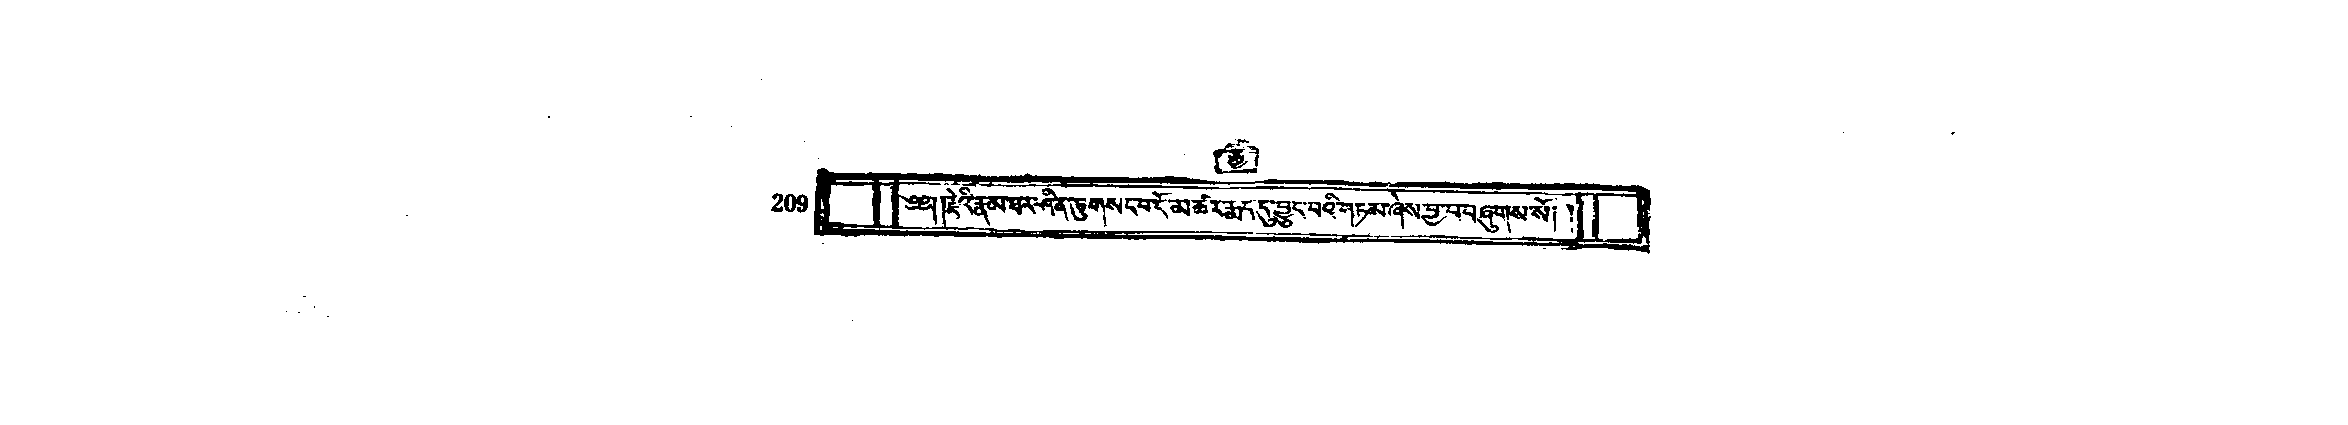༄༅། །རྗེའི་རྣམ་ཐར་ཤིན་ཏུ་གསང་བ་ངོ་མཚར་རྨད་དུ་བྱུང་བའི་གཏམ་ཞེས་བྱ་བ་བཞུགས་སོ། །